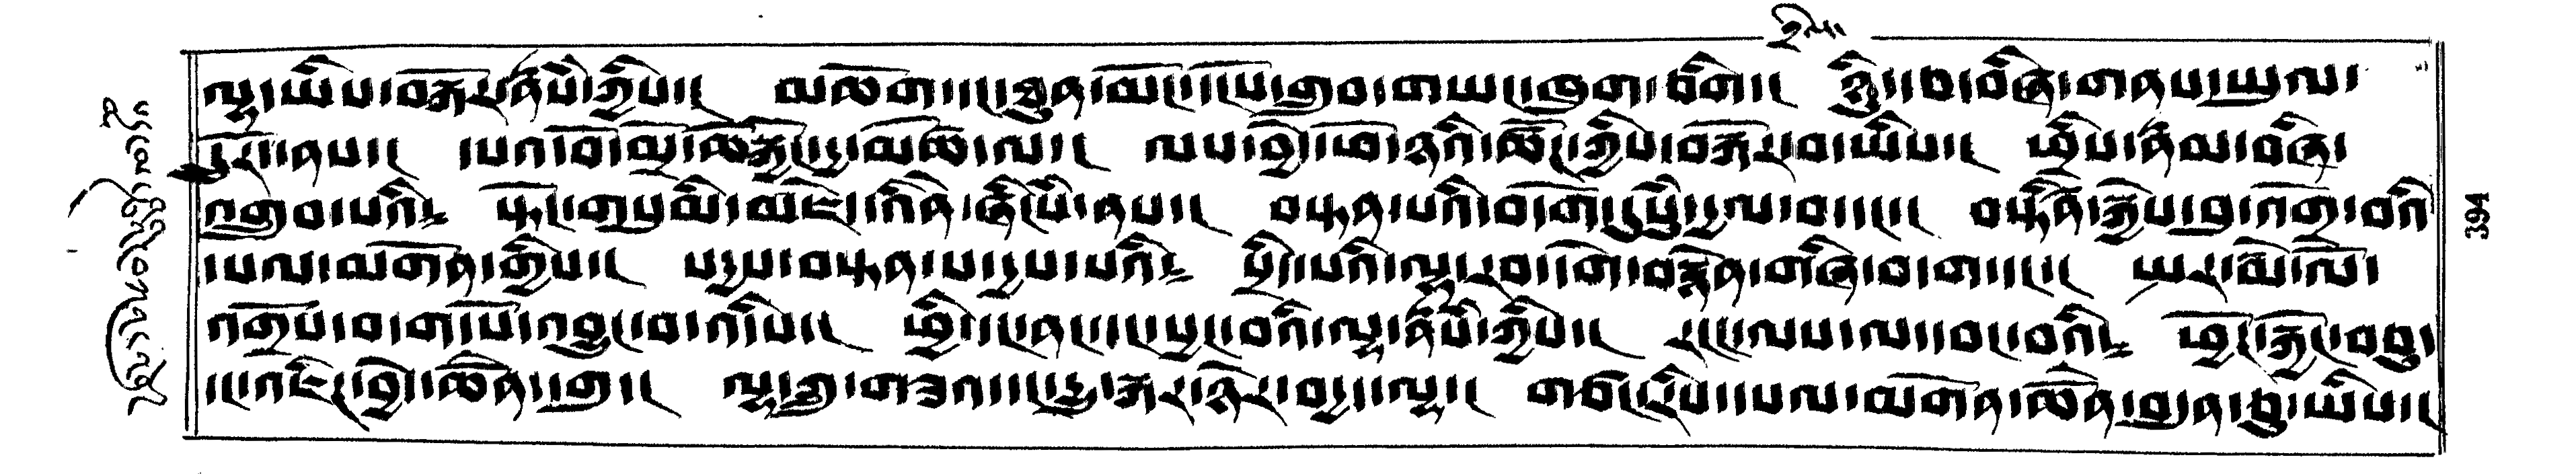ལྷ་ཡིས་བསྐོར་རྣམས་ཀྱིས། །མཆོག་དང་ཐུན་མོང་དངོས་གྲུབ་གཡང་ཁུག་ཅིག །ཉི་ཤུ་རྩ་བཞི་གནས་ཡུལ་
དུར་ཁྲོད་ནས། དཔའ་བོ་མཁའ་འགྲོ་ཆོས་སྐྱོང་རྒྱ་མཚོ་ལ། །ལས་བྱེད་ཕོ་ཉའི་ཚོགས་ཀྱིས་བསྐོར་བ་ཡིས། །ཕྲིན་ལས་རྣམ་བཞི་
འགྲུབ་པའི༴ སྟོང་གསུམ་མི་མཇེད་འཇིག་རྟེན་ཞིང་ཁམས་ནས། །བསྟན་པའི་བདག་པོ་དུས་གསུམ་རྒྱལ་བ་དང་། །བསྟན་འཛིན་སྐྱེས་བུ་འགྲོ་བའི་
དཔལ་མགོན་གྱིས། །སངས་རྒྱས་བསྟན་པ་རྒྱས་པའི༴ །སྲིད་པའི་ལྷ་རབས་དགེ་བསྙེན་གཞི་བདག་དང་། །སྤར་སྨེ་ལོ་
འགྲོས་བདག་པོ་འབྱུང་བ་འདིའི། །ཕྱི་དང་ནང་དང་གསང་བའི་ལྷ་རྣམས་ཀྱིས། །རང་རང་ལས་ལ་དབང་བའི༴ ཕྱོགས་སྐྱོང་བཅུ་
དང་འཇིགས་བྱེད་ཆེན་པོ་དགུ། །ལྷ་ཀླུ་གཟའ་དང་རྒྱུ་སྐར་ཉེར་བརྒྱད་ལྷ། །གཙང་རིས་དཔལ་མགོན་ཆེན་པོ་བདུན་ཅུ་ཡིས། །